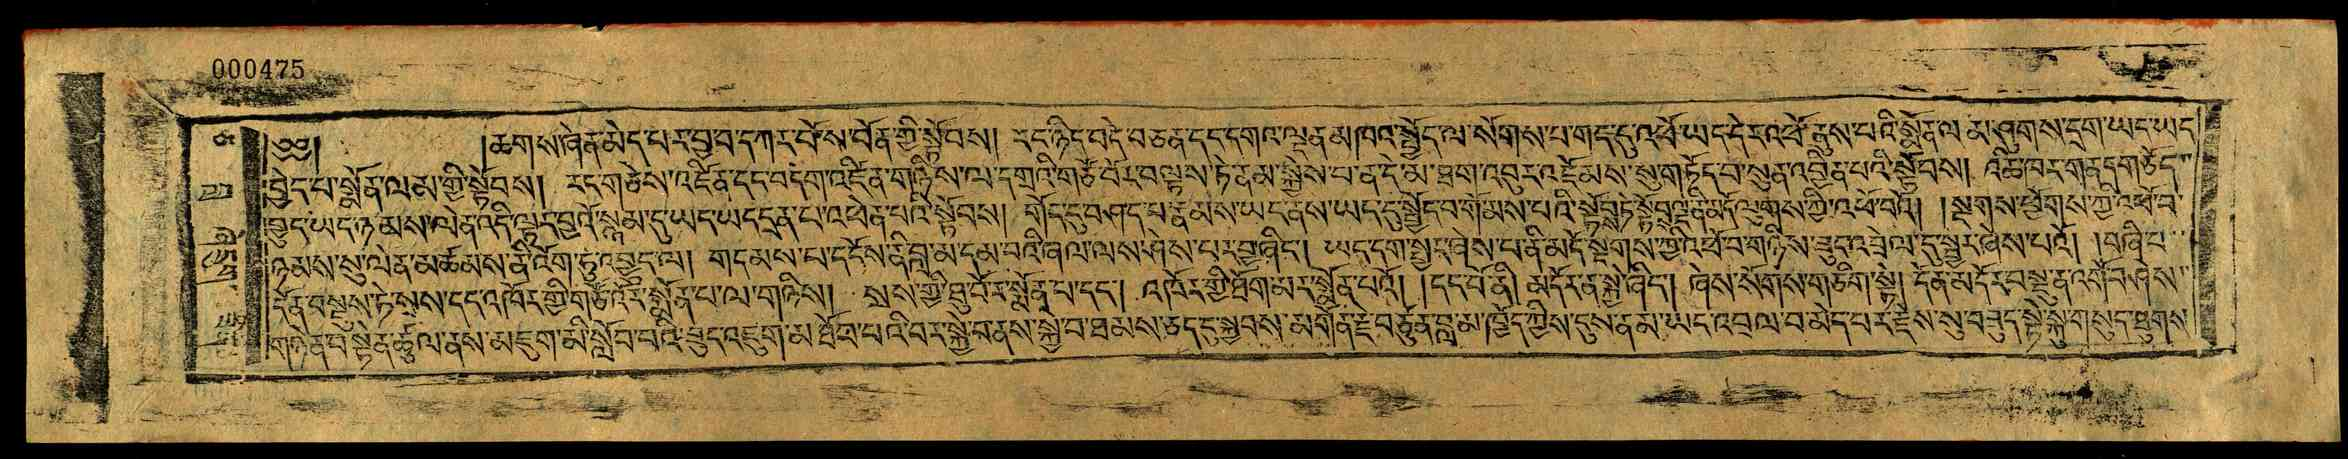༄༅། །ཆགས་ཞེན་མེད་པར་བྱ་བ་དཀར་པོ་ས་བོན་གྱི་སྟོབས། རང་ཉིད་བདེ་བ་ཅན་དང་དགའ་ལྡན་མཁའ་སྤྱོད་ལ་སོགས་པ་གང་དུ་འཕོ་ཡང་དེར་འཕོ་ནུས་པའི་སྨོན་ལམ་ཤུགས་དྲག་ཡང་ཡང་
བྱེད་པ་སྨོན་ལམ་གྱི་སྟོབས། རང་གཅེས་འཛིན་དང་བདག་འཛིན་གཉིས་ལ་དགྲའི་གཙོ་བོར་བལྟས་ཏེ་ནམ་སྐྱེས་པ་ན་དེ་མ་ཐག་འབུར་འཇོམས་སུ་གཏོང་བ་སུན་འབྱིན་པའི་སྟོབས། འཆི་ཁར་གནད་གཅོད་
བྱུང་ཡང་ཉམས་ལེན་འདི་ལྟར་བྱའོ་སྙམ་དུ་ཡང་ཡང་དྲན་པ་འཕེན་པའི་སྟོབས། གོང་དུ་བཤད་པ་རྣམས་ཡང་ནས་ཡང་དུ་སྦྱོང་བ་གོམས་པའི་སྟོབས་ཏེ་སྟོབས་ལྔ་ནི་མདོ་ལུགས་ཀྱི་འཕོ་བའོ། །སྔགས་ཕྱོགས་ཀྱི་འཕོ་བ་
ཉམས་སུ་ལེན་མཚམས་ནི་འོག་ཏུ་འབྱུང་ལ། གདམས་པ་དངོས་ནི་བླ་མ་དམ་པའི་ཞལ་ལས་ཤེས་པར་བྱ་ཞིང་། ཡང་དག་སྦྱར་ཞེས་པ་ནི་མདོ་སྔགས་ཀྱི་འཕོ་བ་གཉིས་ཟུང་འབྲེལ་དུ་སྦྱར་ཞེས་པའོ། །བཞི་པ་
དོན་བསྡུས་ཏེ་སྲས་དང་འཁོར་གྱི་གཙོ་བོར་སྨོན་པ་ལ་གཉིས། སྲས་ཀྱི་ཐུ་བོར་སྨོན་པ་དང་། འཁོར་གྱི་ཐོག་མར་སྨོན་པའོ། །དང་པོ་ནི། མདོར་ན་སྐྱེ་ཞིང་། ཞེས་སོགས་གཅིག་སྟེ། དོན་མདོར་བསྡུ་ན་འགོ་བཤེས་
གཉེན་བསྟེན་ཚུལ་ནས་མཇུག་མི་སློབ་པའི་ཟུང་འཇུག་མ་ཐོབ་པའི་བར་སྐྱེ་བ་ནས་སྐྱེ་བ་ཐམས་ཅད་དུ་སྐྱབས་མགོན་རྗེ་བཙུན་བླ་མ་ཁྱོད་ཀྱིས་དུས་ནམ་ཡང་འབྲལ་བ་མེད་པར་རྗེས་སུ་བཟུང་སྟེ་སྐུ་གསུང་ཐུགས།